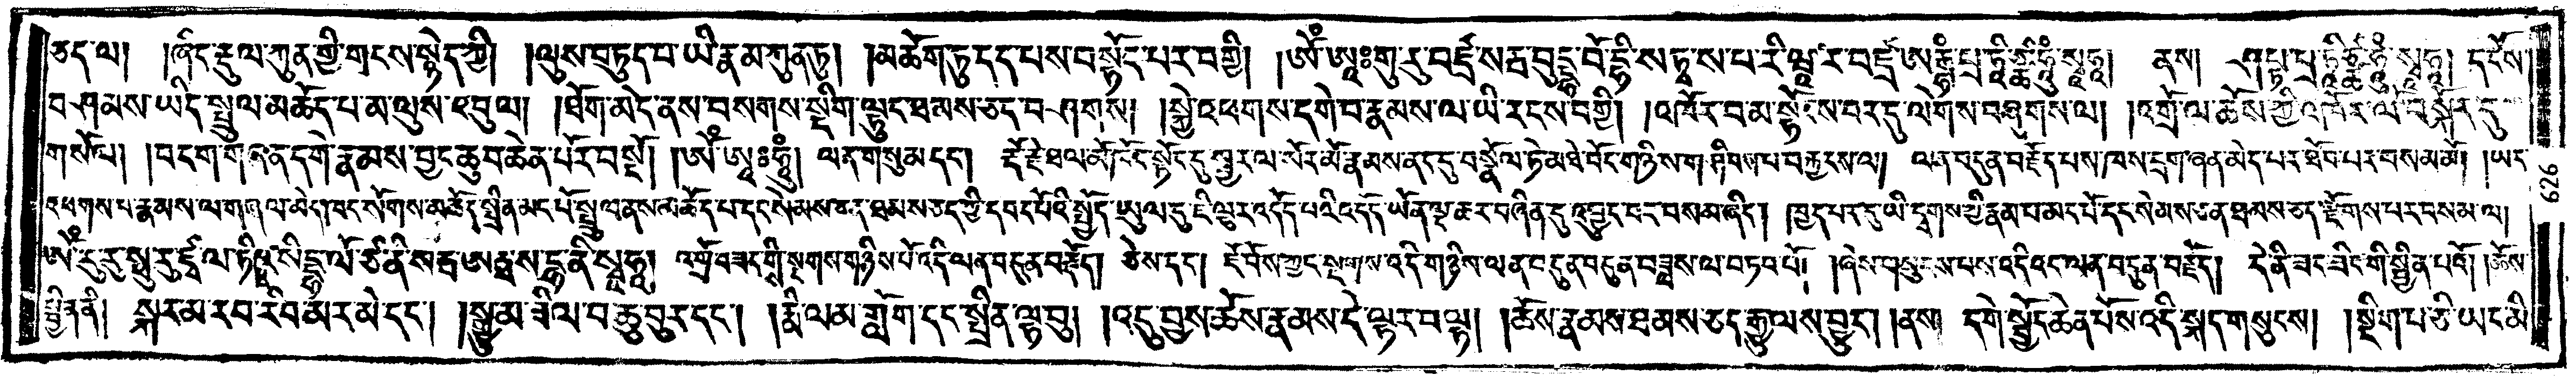ཅད་ལ། །ཞིང་རྡུལ་ཀུན་གྱི་གངས་སྙེད་ཀྱི། །ལུས་བཏུད་པ་ཡི་རྣམ་ཀུན་ཏུ། །མཆོག་ཏུ་དད་པས་བསྟོད་པར་བགྱི། །ཨོཾ་ཨཱཿ གུ་རུ་བཛྲ་སརྦ་བུདྡྷ་བོ་དྷི་སཏྭ་ས་པ་རི་ཝཱ་ར་བཛྲ་ཨརྒྷཾ་པྲ་ཏཱི་ཙྪ་ཧཱུཾ་སྭཱ་ཧཱ། ནས། ཤཔྟ་པྲ་ཏཱི་ཙྪ་ཧཱུཾ་སྭྰྷཱ། དངོས་
བཤམས་ཡིད་སྤྲུལ་མཆོད་པ་མ་ལུས་འབུལ། །ཐོག་མེད་ནས་བསགས་སྡིག་ལྟུང་ཐམས་ཅད་བཤགས། །སྐྱེ་འཕགས་དགེ་བ་རྣམས་ལ་ཡི་རངས་བགྱི། །འཁོར་བ་མ་སྟོངས་བར་དུ་ལེགས་བཞུགས་ལ། །འགྲོ་ལ་ཆོས་ཀྱི་འཁོར་ལོ་བསྐོར་དུ་
གསོལ། །བར་ག་གནད་དགེ་རྣམས་བྱང་ཆུབ་ཆེན་པོར་བསྔོ། །ཨོཾ་ཨཱཿ ཧཱུཾ། ལན་གསུམ་དང་། རྡོ་རྗེ་ཐལ་མོ་ཁོང་སྟོང་དུ་སྦྱར་ལ་སོར་མོ་རྣམས་ནང་དུ་བསྣོལ་ཏེ་མཐེ་བོང་གཉིས་གཉིས་པ་བཀྱངས་ལ། ལན་བདུན་བརྗོད་པས་ཁས་དྲག་ཞན་མེད་པར་ཐོབ་པར་བསམ་མོ། །ཡང་
འཕགས་པ་རྣམས་ལ་གཞལ་མེད་དབང་སོགས་མཆོད་སྤྲིན་མང་བོ་སྤྲུལ་ནས་མཆོད་པ་དང་སེམས་ཅན་ཐམས་ཅད་ཀྱི་དབང་པོའི་སྤྱོད་ཡུལ་དུ་ཇི་ལྟར་འདོད་ཡོན་ལྔ་ཆར་བཞིན་དུ་འབྱུང་བར་བསམ་ཞིང་། ཁྱད་པར་དུ་ཡི་དྭགས་ཀྱི་རྣམ་པ་མང་པོ་དང་སེམས་ཅན་ཐམས་ཅད་རྫོགས་པར་བསམ་ལ།
ཨོཾ་རུ་རུ་སྥུ་རུ་ཛྭ་ལ་ཏིཥཊཿཨ་སིདྡྷ་ལོ་ཅི་ནི་སརྦ་ཨརྠ་སདྷ་ནི་སྭཱ་ཧཱ། འགྲོ་བཟང་གིས་སྔགས་གཉིས་པོ་འདི་ལན་བདུན་བརྗོད། ཅེས་དང་། ཇོ་བོས་ཀྱང་སྔགས་འདི་གཉིས་ལན་བདུན་བདུན་བཟླས་ལ་བཏབ་བོ། །ཞེས་གསུངས་པས་འདིའང་ལན་བདུན་བརྗོད། དེ་ནི་ཟང་ཟིང་གི་སྦྱིན་པའོ། །ཆོས་
སྦྱིན་ནི། སྐར་མ་རབ་རིབ་མར་མེ་དང་། །སྒྱུ་མ་ཟིལ་བ་ཆུ་བུར་དང་། །རྨི་ལམ་གློག་དང་སྤྲིན་ལྟ་བུ། །འདུ་བྱས་ཆོས་རྣམས་དེ་ལྟར་བལྟ། །ཆོས་རྣམས་ཐམས་ཅད་རྒྱུ་ལས་བྱུང་། །ནས། དགེ་སྦྱོང་ཆེན་པོས་འདི་སྐད་གསུངས། །སྡིག་པ་ཅི་ཡང་མི་